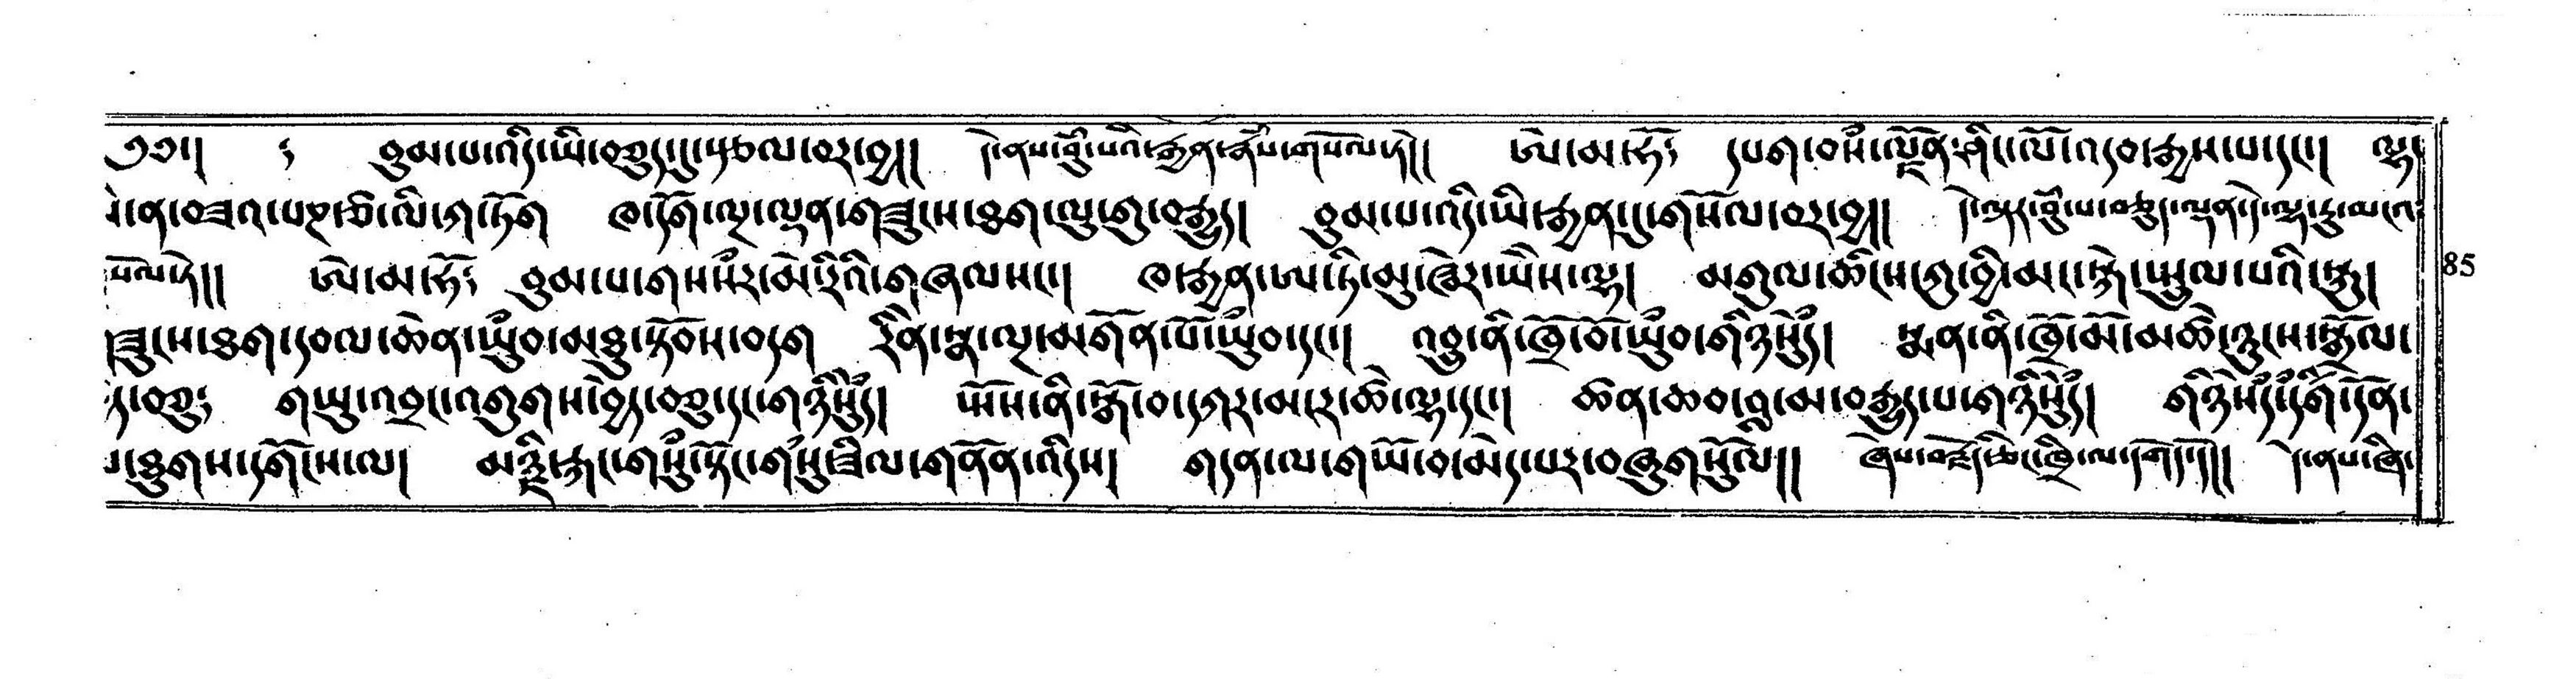བུམ་པ་འདི་ཡི་བཅུད་དུ་སྩལ་བར་བྱ།། དེ་ནས་བུམ་པའི་རྒྱན་རྣམས་གསོལ་ཏེ།། ཨེ་མ་ཧོ དཔག་བསམ་ལྗོན་ཤིང་ལོ་འདབ་རྒྱས་པ་དང་། ལྷ་
ཡི་ན་བཟའ་པཎ་ཙ་ལི་ཀ་ཏོག ཁ་དོག་ལྔ་ལྡན་གཟུངས་ཐག་ལུ་གུ་བརྒྱུད། བུམ་པ་འདི་ཡི་རྒྱན་དུ་གསོལ་བར་བྱ།། དེ་ལྟར་བུམ་པ་བཅུད་ལྡན་དེ་ལྷ་རུ་མངའ་
གསོལ་ཏེ།། ཨེ་མ་ཧོ བུམ་པ་གསས་མཁར་མེ་རིའི་གཞལ་ཡས་ཁང་། ཁ་རྒྱན་ཨ་ཏི་མུ་ཝེར་ཡེ་ཤེས་ལྷ། མགུལ་ཆིངས་ཀུ་བྱི་མང་སྐེ་སྤྲུལ་པའི་སྐུ། 
གཟུངས་ཐག་དབལ་ཆེན་ཡབ་ཡུམ་མཐུ་སྟོབས་བདག རིན་ཆེན་སྣ་ལྔ་མགོན་པོ་ཡབ་ཡུམ་དང་། འབྲུ་ནི་ཁྲོ་བོ་ཡབ་ཡུམ་གཉིས་སུ་མེད། སྨན་ནི་ཁྲོ་མོ་མཚེ་ཉུངས་སྒྲོལ་
བྱེད་བཅུ། གཡུ་འབྲང་འགུགས་བྱེད་བཅུ་དང་གཉིས་སུ་མེད། སྤོས་ནི་སྒོ་བ་དཀར་མངར་ཚེ་ལྷ་དང་། ཚན་ཆབ་བླ་མ་བརྒྱུད་པ་གཉིས་སུ་མེད། གཉིས་མེད་དམ་ཚིག་དོན་
ལ་ཐུགས་དགོངས་ལ། མཉྗི་རྐང་གསུམ་སྟོང་གསུམ་ཟིལ་གནོན་འདིས། གདན་ལ་གཡོ་བ་མེད་པར་བཞུགས་སུ་གསོལ།། ཞེས་བརྗོད་ཅིང་ཁྲི་ལ་དགོད་དོ།། དེ་ནས་ཞི་